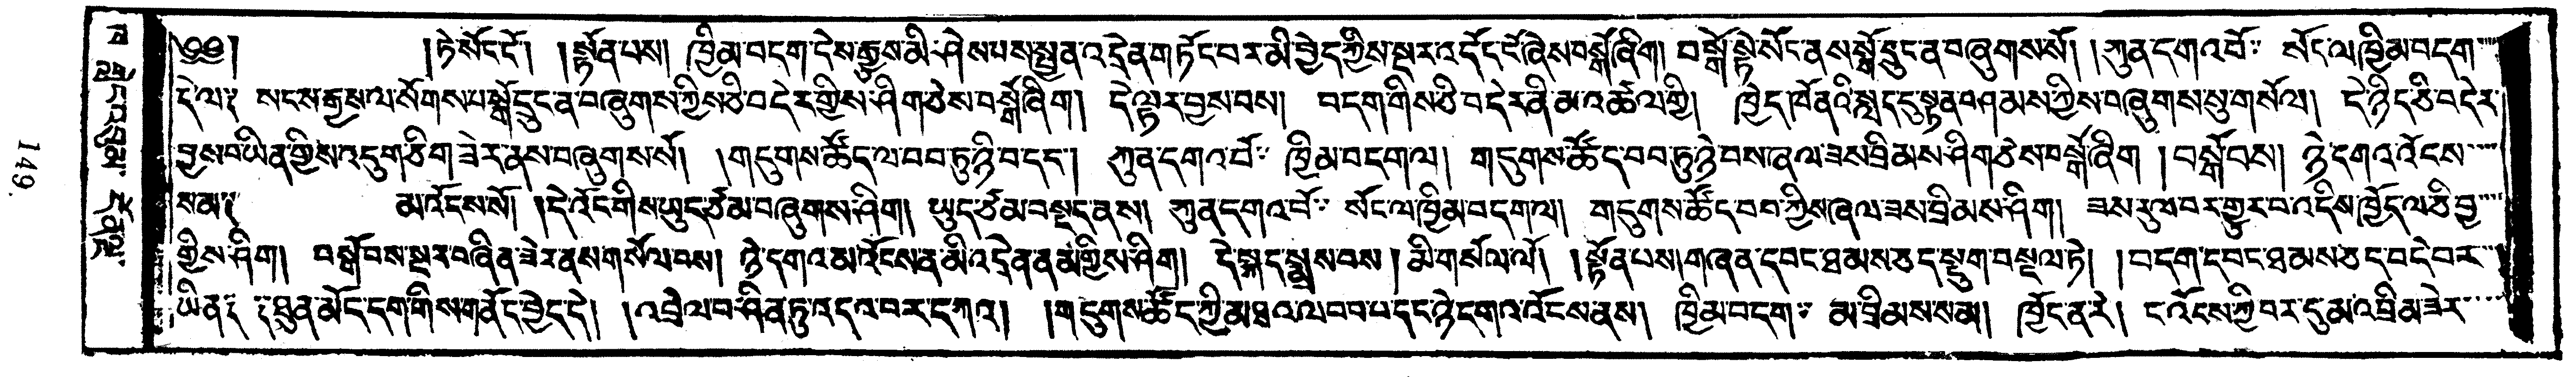༄༅། །ཏེ་སོང་ངོ། །སྟོན་པས། ཁྱིམ་བདག་དེས་རྒྱུས་མི་ཤེས་པས་སྤྱན་འདྲེན་གཏོང་བར་མི་བྱེད་ཀྱིས་སྔར་འདོད་ངོ་ཞེས་བསྒོ་ཞིག། བསྒོ་སྟེ་སོང་ནས་སྒོ་དྲུང་ན་བཞུགས་སོ། །ཀུན་དགའ་བོ༑ སོང་ལ་ཁྱིམ་བདག་
དེ་ལ༑ སངས་རྒྱས་ལ་སོགས་པ་སྒོ་དྲུང་ན་བཞུགས་ཀྱིས་ཅི་བདེར་གྱིས་ཤིག་ཅེས་བསྒོ་ཞིག། དེ་ལྟར་བྱས་བས། བདག་གིས་ཅི་བདེར་ནི་མ་འཚལ་གྱི། ཁྱེད་ཁོ་ནའི་སླད་དུ་སྟན་བཤམས་ཀྱིས་བཞུགས་སུ་གསོལ། དེ་ཉིད་ཅི་བདེར་
བྱས་བ་ཡིན་གྱིས་འདུག་ཅིག་ཟེར་ནས་བཞུགས་སོ། །གདུགས་ཚོད་ལ་བབ་ཏུ་ཉི་བ་དང་། ཀུན་དགའ་བོ༑ ཁྱིམ་བདག་ལ། གདུགས་ཚོད་བབ་ཏུ་ཉེ་བས་ཞལ་ཟས་བྲིམས་ཤིག་ཅེས་བསྒོ་ཞིག །བསྒོ་བས། ཉེ་དགའ་འོངས་
སམ༑ མ་འོངས་སོ། །དེ་འོང་གིས་ཡུད་ཙམ་བཞུགས་ཤིག། ཡུད་ཙམ་བསྡད་ནས། ཀུན་དགའ་བོ༑ སོང་ལ་ཁྱིམ་བདག་ལ། གདུགས་ཚོད་བབ་ཀྱིས་ཞལ་ཟས་བྲིམས་ཤིག། ཟས་རུལ་བར་གྱུར་བ་འདིས་ཁྱོད་ལ་ཅི་བྱ་
གྱིས་ཤིག། བསྒོ་བས་སྔར་བཞིན་ཟེར་ནས་གསོལ་བས། ཉེ་དགའ་མ་འོངས་ན་མི་འདྲེན་ནམ་གྱིས་ཤིག། དེ་སྐད་སྨྲས་བས། མི་གསོལ་ལོ། །སྟོན་པས། གཞན་དབང་ཐམས་ཅད་སྡུག་བསྔལ་ཏེ། །བདག་དབང་ཐམས་ཅད་བདེ་བར་
ཡིན༑ ༑ཐུན་མོད་དག་གིས་གནོད་བྱེད་དེ། །འབྲེལ་བ་ཤིན་ཏུ་འདའ་བར་དཀའ། །གདུགས་ཚོད་ཀྱི་མཐའ་ལ་བབ་པ་དང་ཉེ་དགའ་འོངས་ནས། ཁྱིམ་བདག༑ མ་བྲིམས་སམ། ཁྱོད་ན་རེ། ང་འོངས་ཀྱི་བར་དུ་མ་འབྲིམ་ཟེར་